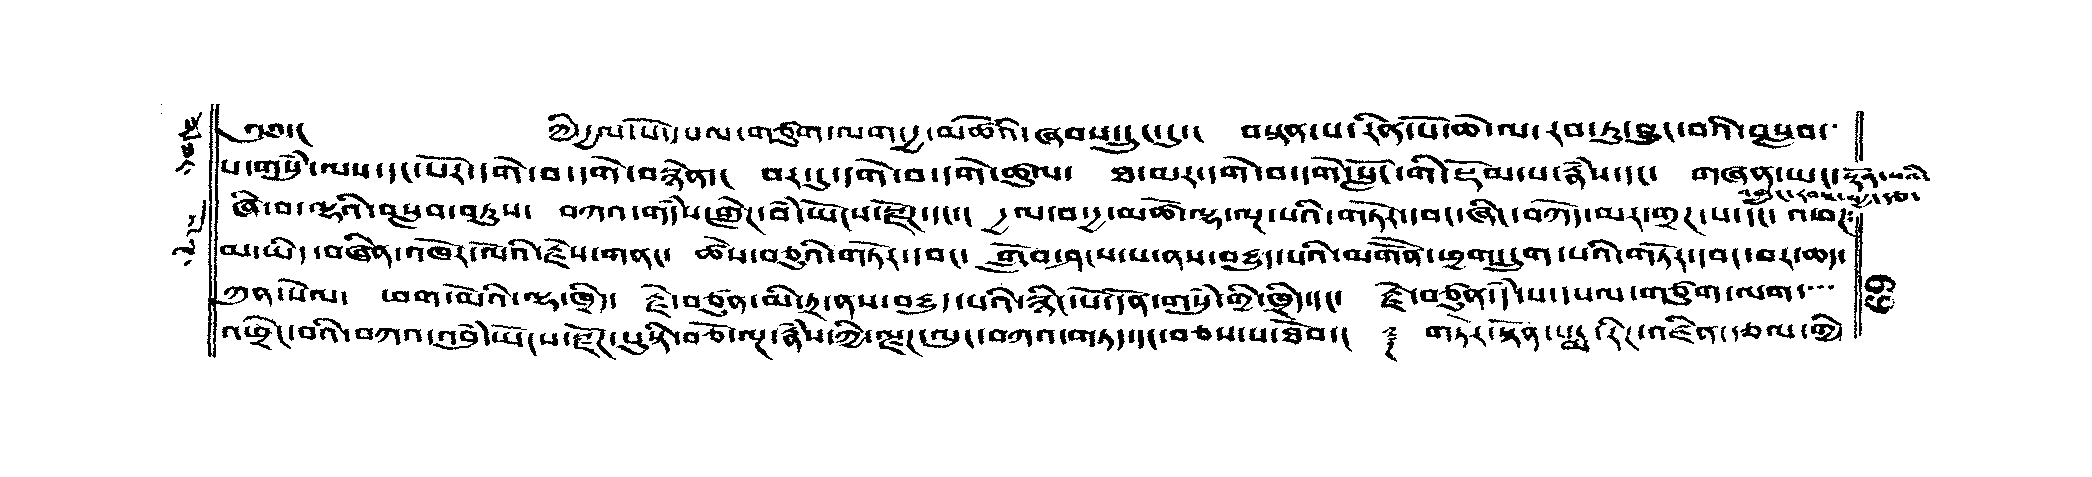ཀྱི་རྒྱལ་པོ་དཔལ་གཙུག་ལག་རྒྱ་མཚོའི་ཞབས་དྲུང་དུ། བསྟན་པ་རིན་པོ་ཆེ་ལ་རབ་ཏུ་བྱུང་བའི་བསླབ་
པ་གསུམ་ལས་དང་པོར་དགེ་བ་དགེ་བསྙེན། བར་དུ་དགེ་བ་དགེ་ཚུལ། ཐ་མར་དགེ་བ་དགེ་སློང་གི་སྡོམ་པ་རྣམས་དང་། གཞན་ཡང་སྟོན་པའི་འཁྲུངས་རབས་བརྒྱ་རྩ། 
ཞི་བ་ལྷའི་བསླབ་བཏུས། བཀའ་གདམས་གླེགས་བམ་ཡོངས་རྫོགས་དང་། རྒྱལ་བ་རྒྱ་མཚོ་ལྷ་ལྔ་པའི་གཏོར་དབང་ཞིང་བཀོད་མར་གྲགས་པ་དང་། འཕགས་
མ་ཡིད་བཞིན་འཁོར་ལོའི་རྗེས་གནང་། ཚེས་བཅུའི་གཏོར་དབང་། གྲུབ་ཐོབ་ཤངས་པ་ནས་བརྒྱུད་པའི་མགོན་པོ་ཕྱག་དྲུག་པའི་གཏོར་དབང་བར་ཆད་
ཀུན་སེལ། ཕག་མོའི་ལྷ་ཁྲིད། རྗེ་བཙུན་མི་ཏྲ་ནས་བརྒྱུད་པའི་སྙིང་པོ་དོན་གསུམ་གྱི་ཁྲིད་དང་། རྗེ་བཙུན་དམ་པ་དཔལ་གཙུག་ལག་
འཕྲེང་བའི་བཀའ་འབུམ་ཡོངས་རྫོགས་པོ་སྟི་བཅོ་ལྔ་རྣམས་ཀྱི་ལྗགས་ལུང་བཀའ་གཏད་དང་བཅས་པ་ཐོབ། ༈ གཏེར་སྟོན་པདྨ་རིག་འཛིན་རྩལ་གྱི་